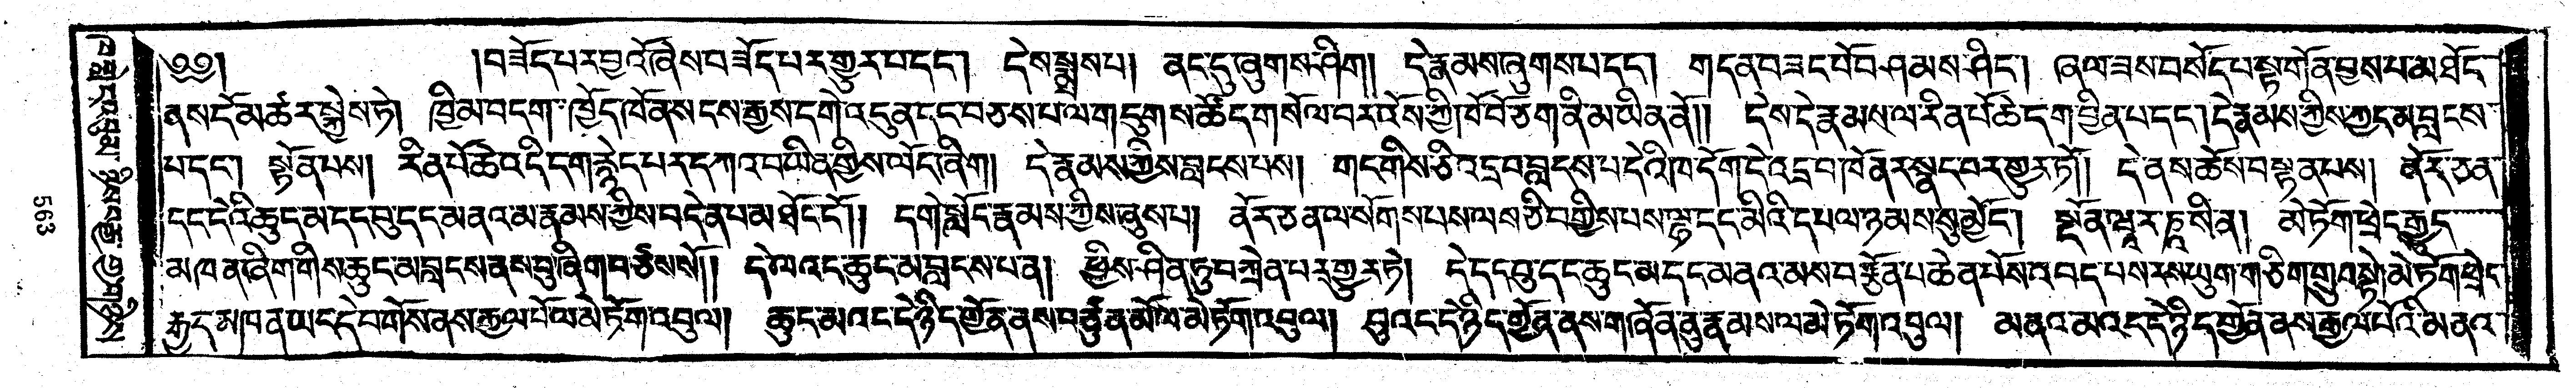༄༅། །བཟོད་པར་བྱའོ་ཞེས་བཟོད་པར་གྱུར་པ་དང་། དེས་སྨྲས་པ། ནང་དུ་ཞུགས་ཤིག། དེ་རྣམས་ཞུགས་པ་དང་། གདན་བཟང་པོ་བཤམས་ཤིང་། ཞལ་ཟས་བསོད་པ་སྟ་གོན་བྱས་པ་མཐོང་
ནས་ངོ་མཚར་སྐྱེས་ཏེ། ཁྱིམ་བདག་ཁྱོད་ཁོ་ན་སངས་རྒྱས་དགེ་འདུན་དང་བཅས་པ་ལ་གདུགས་ཚོད་གསོལ་བར་འོས་ཀྱི་ཁོ་བོ་ཅག་ནི་མ་ཡིན་ནོ།། དེས་དེ་རྣམས་ལ་རིན་པོ་ཆེ་དག་བྱིན་པ་དང་། དེ་རྣམས་ཀྱིས་ཀྱང་མ་བླངས་
པ་དང་། སྟོན་པས། རིན་པོ་ཆེ་འདི་དག་རྙེད་པར་དཀའ་བ་ཡིན་གྱིས་ལོང་ཞིག། དེ་རྣམས་ཀྱིས་བླངས་པས། གང་གིས་ཅི་འདྲ་བ་བླངས་པ་དེའི་ཁ་དོག་དེ་འདྲ་བ་ཁོ་ནར་སྣང་བར་གྱུར་ཏོ།། དེ་ནས་ཆོས་བསྟན་པས། ནོར་ཅན་
དང་དེའི་ཆུད་མ་དད་བུ་དང་མནའ་མ་རྣམས་ཀྱིས་བདེན་པ་མཐོང་ངོ།། དགེ་སློང་རྣམས་ཀྱིས་ཞུས་པ། ནོར་ཅན་ལ་སོགས་པས་ལས་ཅི་བགྱིས་པས་ལྷ་དང་མིའི་དཔལ་ཉམས་སུ་མྱོང་། སྔོན་ཝཱ་ར་ཎཱ་སི་ན། མེ་ཏོག་ཕྲེང་རྒྱུད་
མཁན་ཞིག་གིས་ཆུང་མ་བླངས་ནས་བུ་ཞིག་བཙས་སོ།། དེ་ལའང་ཆུང་མ་བླངས་པ་ན། ཕྱིས་ཤིན་ཏུ་བཀྲེན་པར་གྱུར་ཏེ། དེ་དད་བུ་དང་ཆུང་མ་དང་མནའ་མས་བརྩོན་པ་ཆེན་པོས་འབད་པས་རས་ཡུག་གཅིག་གྲུབ་སྟེ། མེ་ཏོག་ཕྲེང་
རྒྱད་མཁན་ཡང་དེབ་གོས་ནས་རྒྱལ་པོ་ལ་མེ་ཏོག་འབུལ། ཆུང་མའང་དེ་ཉིད་གྱོན་ནས་བཙུན་མོ་ལ་མེ་ཏོག་འབུལ། བུའང་དེ་ཉིད་གྱོན་ནས་གཞོན་ནུ་རྣམས་ལ་མེ་ཏོག་འབུལ། མནའ་མའང་དེ་ཉིད་གྱོན་ནས་རྒྱལ་པོའི་མནའ་